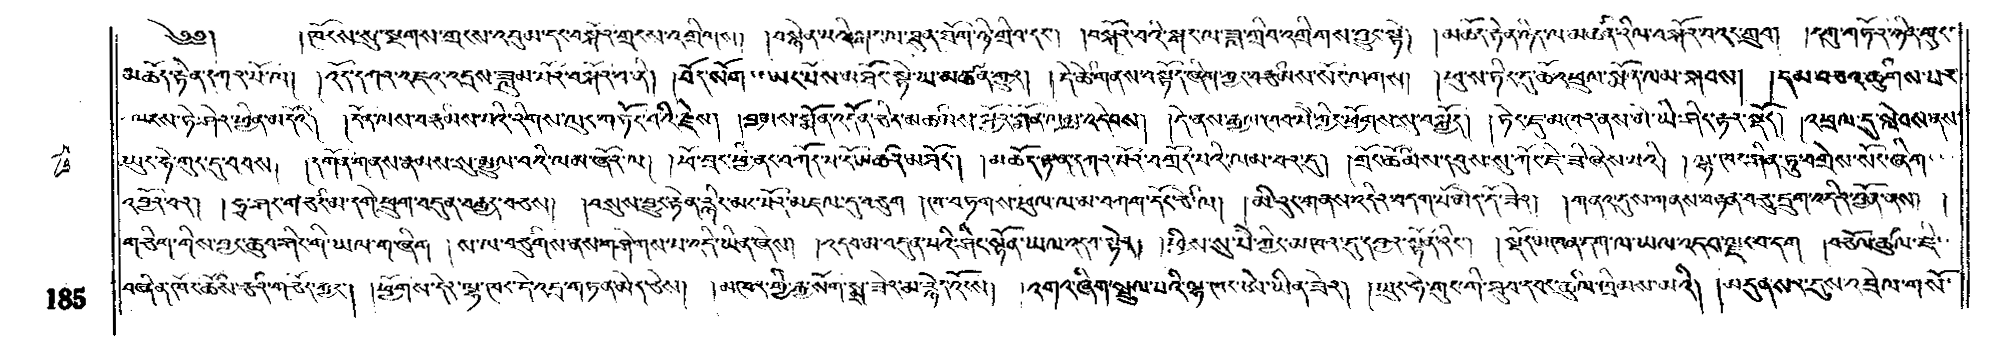༄༅། །ཁོངས་སུ་སྔགས་གྲངས་འབུམ་དང་བསྐོར་གྲངས་འགྲིགས། །བསྙེན་པའི་སྒང་ལ་ཐུན་ཐོག་ཉི་གྲིབ་དང་། །བསྐོར་བའི་སྒང་ལ་ཟླ་གྲིབ་འགྲིགས་བྱུང་སྟེ། །མཆོད་རྟེན་ཉིད་ལ་མཚན་རིལ་བསྐོར་བའང་གྲུབ། །དགུ་གཏོར་ཉིན་གུང་
མཆོད་རྟེན་དཀར་པོ་ལ། །འོད་དཀར་འཇའ་འདྲས་ཟླུམ་པོར་བསྐོར་བ་ནི། །བོད་སོག?་མང་བོས་མཐོང་སྟེ་ཡ་མཚན་གྱུར། །དེ་ཚེ་གནས་བསྟོད་ཞིག་ཀྱང་བརྩམས་སོང་ལགས། །ཕུ་ས་ཏིང་དུ་ཆོ་འཕྲུལ་སྨོན་ལམ་སྐབས། །དམ་བཅའ་ཚུགས་པར་
ལངས་ཏེ་ཤེར་ཕྱིན་མདོའི། །དོན་ལས་བརྩམས་པའི་རིགས་ལུང་གཏོང་བའི་རྗེས། །བྱམས་སྨོན་འདོན་ཅིང་མཚམས་སྦྱོར་སྨོན་ལམ་འདེབས། །དེ་ནས་རྒྱལ་ཁབ་པཻ་ཀྱིང་ཕྱོགས་སུ་བསྐྱོད། །ཏེང་ཇུ་མཁར་ནས་མེ་ཡི་ཤིང་རྟར་སྡོད། །འཕྲལ་དུ་སླེབས་ནས་
ཡུང་ཧེ་གུང་དུ་བབས། །དགོན་གནས་རྣམས་སུ་མྱུལ་བའི་ལམ་ཞོར་ལ། །ཕོ་བྲང་ཕྱི་ནང་བཀོད་པ་ངོ་མཚར་མཐོང་། །མཆོད་རྟན་དཀར་པོར་བགྲོད་པའི་ལམ་བར་དུ། །གྲོང་ཚོམས་དབུས་སུ་ཀོང་ཇེ་ཟི་ཞེས་པའི། །ལྷ་ཁང་ཤིན་ཏུ་བགྲེས་སོང་ཞིག་
འབྱོར་བར། །ཧྭ་ཤང་གཙང་མ་དགེ་ཕྲུག་བདུན་བརྒྱད་བཅས། །བསུས་བྱུང་རྟེན་རྙིང་མང་བོར་མཇལ་དུ་བཅུག །ཁ་བཏགས་ཕུལ་ལ་མ་བཀག་དོང་ཙེ་ལ། །མི་རུང་གནས་འདིར་བདག་པོ་མེད་དོ་ཟེར། །གནའ་དུས་གནས་བརྟན་བཅུ་དྲུག་འདིར་བྱོན་ནས། །
གཅིག་གིས་བྱང་ཆུབ་ཤིང་གི་ཡལ་ག་ཞིག །ས་ལ་བཙུགས་ནས་གཤེགས་པ་འདི་ཡིན་ཞེས། །འདབ་མ་བདུན་པའི་ཤིང་སྟོན་ཡལ་འདབ་སྟེར། །ཕྱིས་སུ་པཻ་ཀྱིང་མཁར་དུ་དབྱར་སྟོན་རིང་། །སྡོད་མཁན་དག་ལ་ཡལ་འདབ་ལྗང་བ་དག །བཅོལ་ཚུལ་ཇི་
བཞིན་ཁོང་ཚོས་རྩར་གཅོད་ཀྱང་། །ཕྱོགས་དེར་ལྷ་ཁང་དེ་འདྲ་གཏན་མེད་ཅེས། །མཁར་གྱི་རྒྱ་སོག་སྨྲ་ཟེར་མ་རྙེད་འོངས། །འགའ་ཞིག་སྤྲུལ་པའི་ལྷ་ཁང་ཨེ་ཡིན་ཟེར། །ཡུང་ཧེ་གུང་གི་ཐུབ་དབང་ཚུལ་ཁྲིམས་མའི། །མདུན་སར་དུས་འབྲེལ་གསོ་